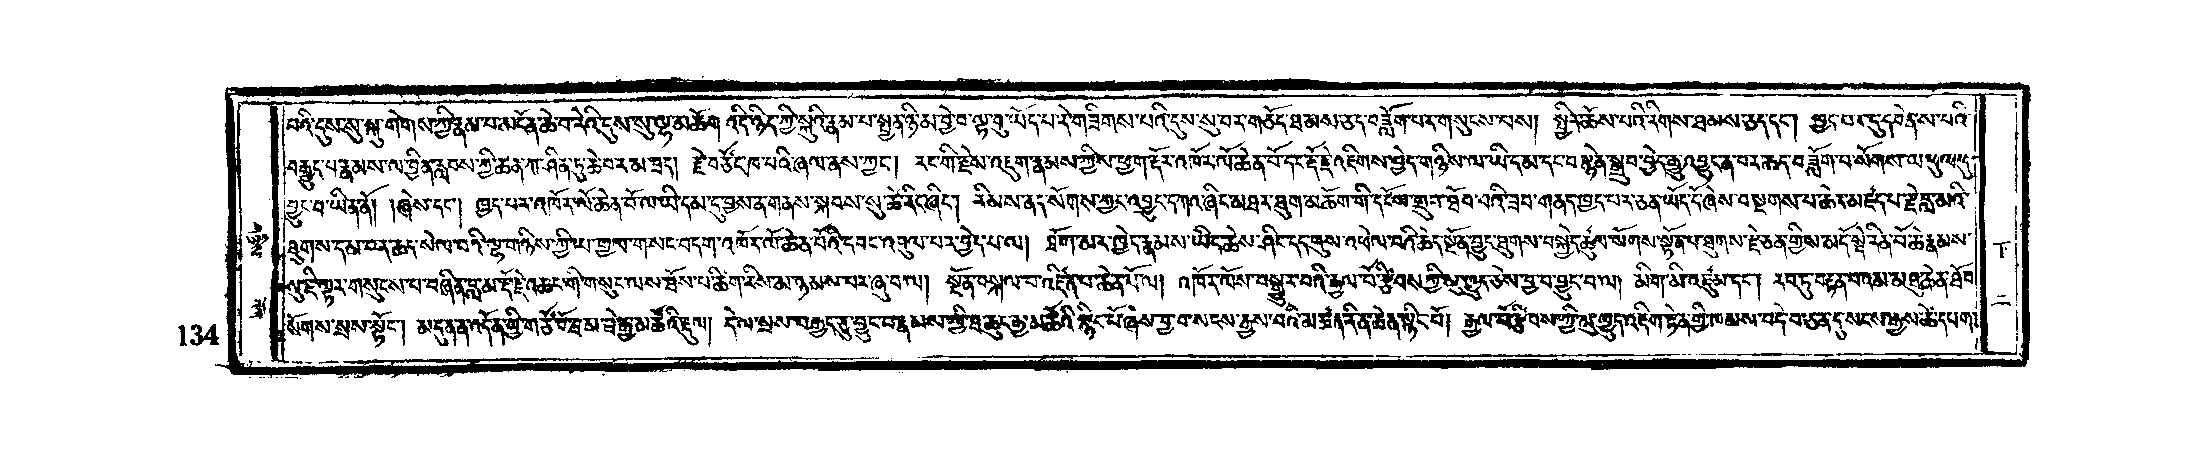བའི་དུས་སུ་སྐུ་གེགས་ཀྱི་རྣམ་པ་མངོན་ཆེ་བ་རེའི་དུས་སུ་ལྷ་མཆོག་འདི་ཉིད་ཀྱི་སྐུའི་རྣམ་པ་སྤྱན་ཉི་མ་བྱེ་བ་ལྟ་བུ་ཡོད་པ་རེ་གཟིགས་པའི་དུས་སུ་བར་གཅོད་ཐམས་ཅད་བཟློག་པར་གསུངས་པས། སྤྱིར་ཆོས་པའི་རིགས་ཐམས་ཅད་དང་། ཁྱད་པར་དུ་དབེན་ས་པའི་
བརྒྱུད་པ་རྣམས་ལ་བྱིན་རླབས་ཀྱི་ཚན་ཀ་ཤིན་ཏུ་ཆེ་བར་མ་ཟད། རྗེ་བཙོང་ཁ་པའི་ཞལ་ནས་ཀྱང་། རང་གི་རྗེས་འཇུག་རྣམས་ཀྱིས་ཕྱག་རྡོར་འཁོར་ལོ་ཆེན་པོ་དང་རྡོ་རྗེ་འཇིགས་བྱེད་གཉིས་ལ་ཡི་དམ་དང་བསྙེན་སྒྲུབ་བྱེད་རྒྱུ་འབྱུང་ན་བར་ཆད་བཟློག་པ་སོགས་ལ་ཕུལ་དུ་
བྱུང་བ་ཡིན་ནོ། །ཞེས་དང་། ཁྱད་པར་འཁོར་ལོ་ཆེན་པོ་ལ་ཡི་དམ་དུ་བྱས་ན་གནས་སྐབས་སུ་ཚེ་རིང་ཞིང་། རིམས་ནད་སོགས་ཀྱང་འབྱུང་དཀའ་ཞིང་མཐར་ཐུག་མཆོག་གི་དངོས་གྲུབ་ཐོབ་པའི་ཟབ་གནད་ཁྱད་པར་ཅན་ཡོད་དོ་ཞེས་བསྔགས་པ་ཆེར་མཛད་པ་རྗེ་བླ་མའི་
ཐུགས་དམ་བར་ཆད་སེལ་བའི་ལྷ་གཉིས་ཀྱི་ཡ་གྱལ་གསང་བདག་འཁོར་ལོ་ཆེན་པོའི་དབང་འབུལ་བར་བྱེད་པ་ལ། ཐོག་མར་ཁྱེད་རྣམས་ཡིད་ཆེས་ཤིང་དད་གུས་འཕེལ་བའི་ཆེད་སྔོན་བྱུང་ཐུགས་བསྐྱེད་ཚུལ་སོགས་སྟོན་པ་ཐུགས་རྗེ་ཅན་གྱིས་མདོ་སྡེ་རིན་པོ་ཆེ་རྣམས་
སུ་ཇི་ལྟར་གསུངས་པ་བཞིན་བླ་མ་རྡོ་རྗེ་འཆང་གི་གསུང་ལས་ཐོས་པ་ཚིག་རིས་མ་ཉམས་པར་ཞུ་བ་ལ། སྔོན་བསྐལ་བ་འཛིན་པ་ཆེན་པོ་ལ། འཁོར་ལོས་བསྒྱུར་བའི་རྒྱལ་པོ་རྩིབས་ཀྱི་མུ་ཁྱུང་ཅེས་བྱ་བ་བྱུང་བ་ལ། མིག་མི་འཛུམ་དང་། རབ་ཏུ་བརྟན་པའམ་མཐུ་ཆེན་ཐོབ་
སོགས་སྲས་སྟོང་། མདུན་ན་འདོན་གྱི་གཙོ་བོ་ཐམ་ཟེ་རྒྱ་མཚོའི་རྡུལ། དེ་ལ་སྲས་བརྒྱད་ཅུ་བྱུང་བ་རྣམས་ཀྱི་ཐ་ཆུང་རྒྱ་མཚོའི་སྙིང་པོ་ཞེས་བྱ་བ་སངས་རྒྱས་པའི་མཚན་རིན་ཆེན་སྙིང་པོ། རྒྱལ་པོ་རྩིབས་ཀྱི་ལུ་ཁྱུད་འཇིག་རྟེན་གྱི་ཁམས་བདེ་བ་ཅན་དུ་སངས་རྒྱས་ཚེ་དཔག་